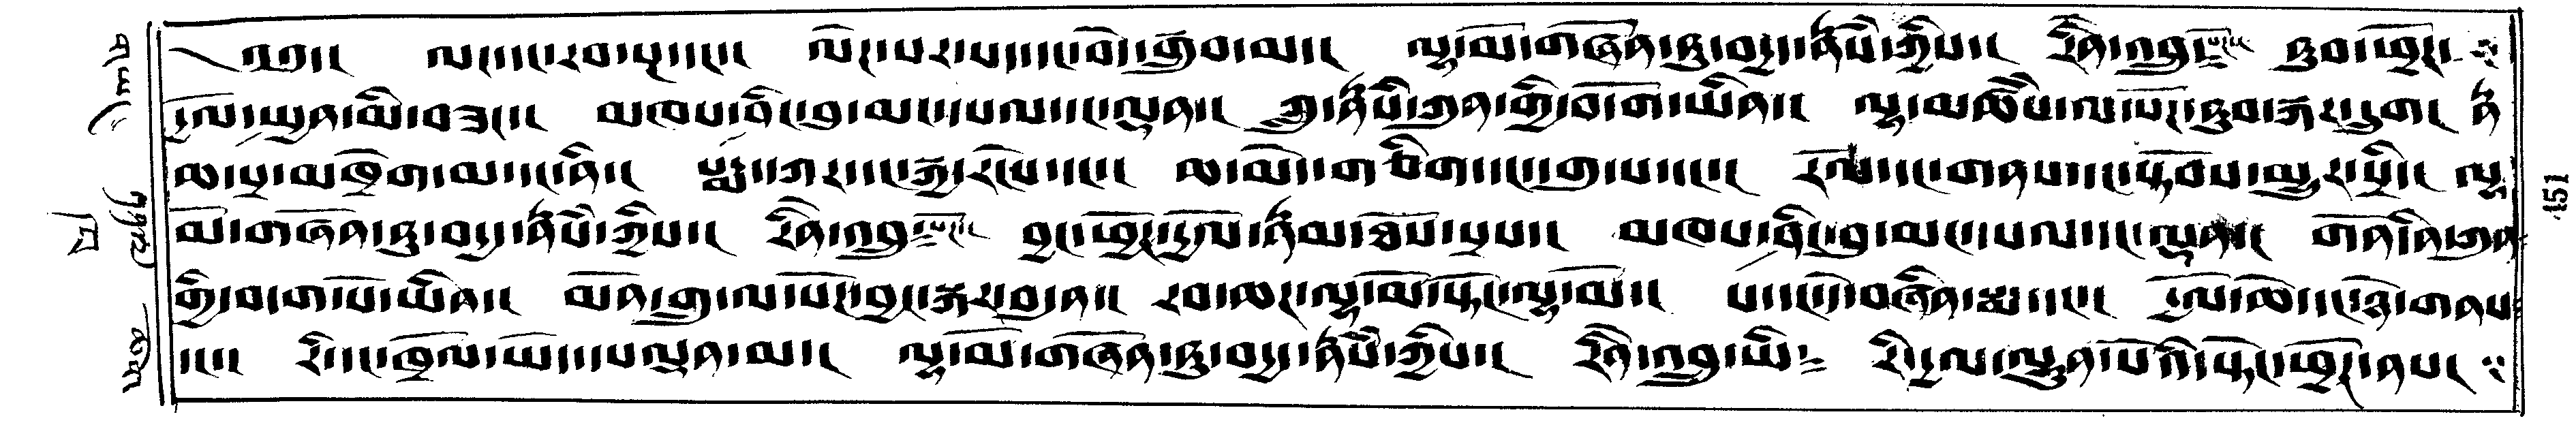ལས་དང་རབ་སྔ་དང་། །ལེགས་པར་སད་དང་བདེ་སྒྲུབ་མ། །ལྷ་མོ་གཞོན་ནུ་བརྒྱད་རྣམས་ཀྱིས། །རིན་ཆེན་འབྲུ༴ སོགས། ནུབ་ཕྱོགས་
རྒྱལ་པོ་སྤྱན་མི་བཟང་། །མཁས་ཤིང་བུ་མང་དཔལ་དང་ལྡན། །ཀླུ་རྣམས་ཀུན་ཀྱི་བདག་པོ་ཡིན། །ལྷ་མཚམས་ལ་སོགས་རྒྱུ་སྐར་དྲུག། །རྣ་
ཆ་སྲ་མཁྲེགས་མ་དང་ནི། །པདྨ་དཀར་དང་སྐྱ་རེངས་དང་། །ཆ་མེད་གཅིག་དང་དགུ་པ་དང་། །རོལ་དང་གནས་དང་སྟོབས་མྱུར་སྲིད། །ལྷ་
མོ་གཞོན་ནུ་བརྒྱད་རྣམས་ཀྱིས། །རིན་ཆེན་འབྲུ༴སོགས། བྱང་ཕྱོགས་རྒྱལ་པོ་རྣམ་ཐོས་སྲས། །མཁས་ཤིང་བུ་མང་དཔལ་དང་ལྡན། །གནོད་སྦྱིན་ཀུན་
ཀྱི་བདག་པོ་ཡིན། །མོན་གྲུ་ལ་སོགས་བྱང་སྐར་བདུན། །རབ་ཆགས་ལྷ་མོ་སྟོང་ལྷ་མོ། །ས་དང་དེ་བཞིན་པདྨ་དང་། །རྒྱལ་པོ་ཆེ་དང་ཉེ་གནས་
དང་། །རིགས་དང་ཁྲེལ་ཡོད་དཔལ་ལྡན་མ། །ལྷ་མོ་གཞོན་ནུ་བརྒྱད་རྣམས་ཀྱིས། །རིན་ཆེན་འབྲུ་ཡི༴ རི་རྒྱལ་ལྷུན་པོའི་སྟེང་ཕྱོགས་ནས།།